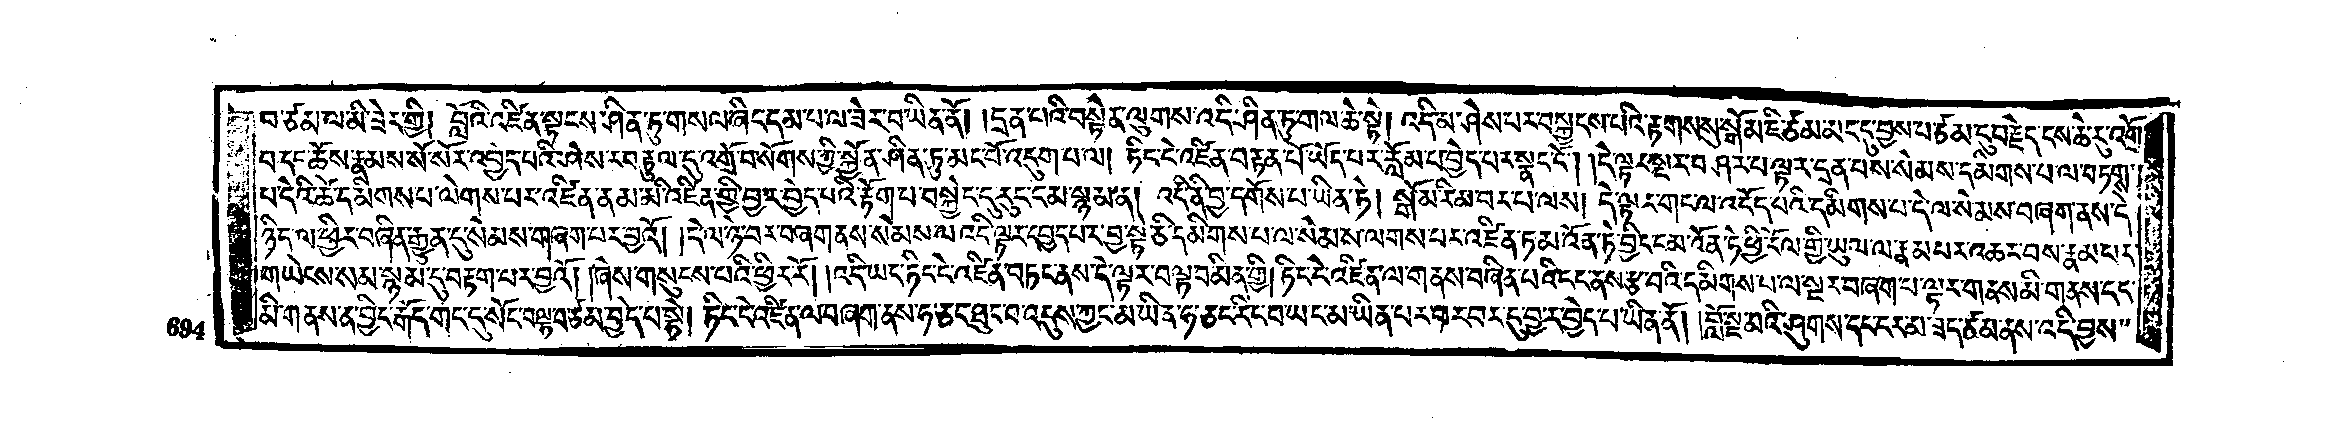བ་ཙམ་ལ་མི་ཟེར་གྱི། བློའི་འཛིན་སྟངས་ཤིན་ཏུ་གསལ་ཞིང་དམ་པ་ལ་ཟེར་བ་ཡིན་ནོ། །དྲན་པའི་བསྟེན་ལུགས་འདི་ཤིན་ཏུ་གལ་ཆེ་སྟེ། འདི་མ་ཤེས་པར་བསྐྱངས་པའི་རྟགས་སུ་སྒོམ་ཇི་ཙམ་མང་དུ་བྱས་པ་ཙམ་དུ་བརྗེད་ངས་ཆེ་རུ་འགྲོ་
བ་དང་ཆོས་རྣམས་སོ་སོར་འབྱེད་པའི་ཤེས་རབ་རྟུལ་དུ་འགྲོ་བ་སོགས་ཀྱི་སྐྱོན་ཤིན་ཏུ་མང་པོ་འདུག་པ་ལ། ཏིང་ངེ་འཛིན་བརྟན་པོ་ཡོད་པར་རློམ་པ་བྱེད་པར་སྣང་ངོ། །དེ་ལྟར་སྔར་བཤད་པ་ལྟར་དྲན་པས་སེམས་དམིགས་པ་ལ་བཏགས་
པ་དེའི་ཚེ་དམིགས་པ་ལེགས་པར་འཛིན་ནམ་མི་འཛིན་གྱི་བྱར་བྱེད་པའི་རྟོག་པ་བསྐྱེད་དུ་རུང་ངམ་སྙམ་ན། འདི་ནི་བྱ་དགོས་པ་ཡིན་ཏེ། སྒོམ་རིམ་བར་པ་ལས། དེ་ལྟར་གང་ལ་འདོད་པའི་དམིགས་པ་དེ་ལ་སེམས་བཞག་ནས་དེ་
ཉིད་ལ་ཕྱིར་བཞིན་རྒྱུན་དུ་སེམས་གཞག་པར་བྱའོ། །དེ་ལ་ཉེ་བར་བཞག་ནས་སེམས་ལ་འདི་ལྟར་དཔྱད་པར་བྱ་སྟེ་ཅི་དམིགས་པ་ལ་སེམས་ལེགས་པར་འཛིན་ཏམ་འོན་ཏེ་བྱིང་ངམ་འོན་ཏེ་ཕྱི་རོལ་གྱི་ཡུལ་ལ་རྣམ་པར་འཆར་བས་རྣམ་པར་
གཡེངས་སམ་སྙམ་དུ་བརྟག་པར་བྱའོ། །ཞེས་གསུངས་པའི་ཕྱིར་རོ། །འདི་ཡང་ཏིང་ངེ་འཛིན་བཏང་ནས་དེ་ལྟར་བལྟ་བ་མིན་གྱི། ཏིང་ངེ་འཛིན་ལ་གནས་བཞིན་པའི་ངང་ནས་རྩ་བའི་དམིགས་པ་ལ་སྔར་བཞག་པ་ལྟར་གནས་མི་གནས་དང་
མི་གནས་ན་བྱིང་རྒོད་གང་དུ་སོང་བལྟ་བ་ཙམ་བྱེད་པ་སྟེ། ཏིང་ངེ་འཛིན་ལ་བཞག་ནས་ཧ་ཅང་ཐུང་བའི་དུས་ཀྱང་མ་ཡིན་ཧ་ཅང་རིང་བ་ཡང་མ་ཡིན་པར་བར་བར་དུ་བྱ་ར་བྱེད་པ་ཡིན་ནོ། །བློ་སྔ་མའི་ཤུགས་དང་ངར་མ་ཟད་ཙམ་ནས་འདི་བྱས་